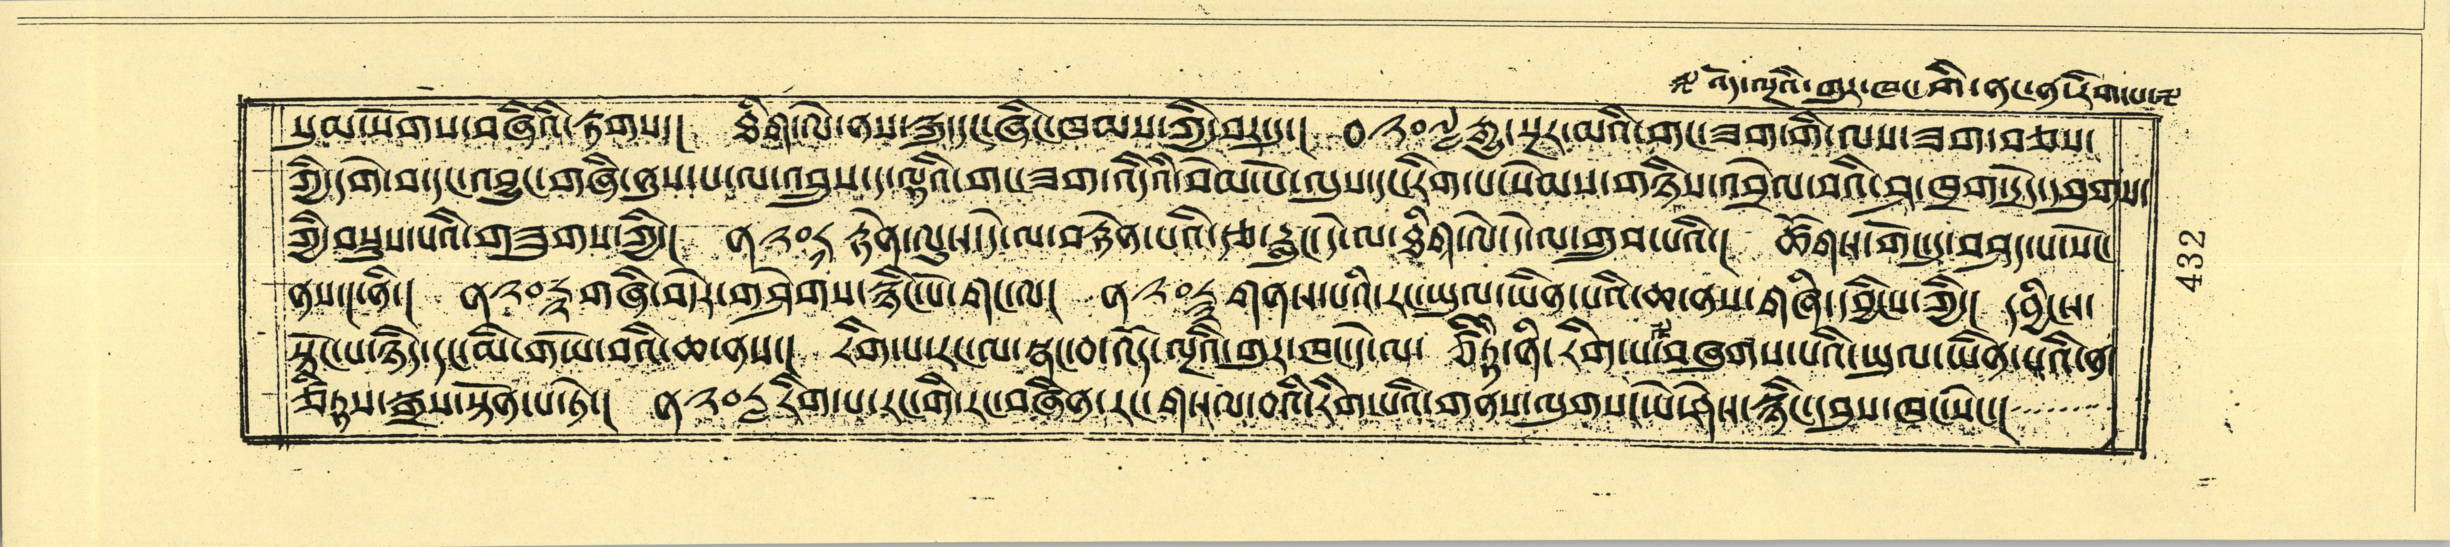སོགས་བཞིའི་རྟགས་༼ཐིག་ལེ༽ནས་སྐུ་དང་ཞིང་ཁམས་ཀྱི་བར་དུ་བ༢༠༧།༤༼རྒྱུ༽སྔར་མའི་གང་ཟག་གི་ལས་ཟག་བཅས་
ཀྱི་དགེ་བ་འབྱུང་གཞི་ནུས་པ་ལ་འབྲས་བུ་ད་ལྟའི་གང་ཟག་འདིའི་བེམ་པོ་ལུས་དང་རིག་པ་སེམས་གཉིས་འབྲེལ་བའི་ཤ་ཁྲག་དྲོད་དབུགས་
ཀྱིས་བསྡུས་པའི་གཟུགས་ཀྱི་ན༢༠༨།༡༼རྟེན་ལུས༽དེ་ལ་བརྟེན་པའི་རྩ་རླུང་ཐིག་ལེ་དེ་ལ་བརྟེན་པའི་༼ཐིག་ལེ༽དེ་ལ་གྲུབ་པའི་༼ཚོགས༽གོང་དུ་བཤད་པ་སོང་
ནས་ནི་ན༢༠༨།༢ གཞི་བདེར་གཤེགས་སྙིང་པོ་༼གང་ལ༽ན༢༠༨།༣༼གནས་པའི༽རང་ཡུལ་ཡིན་པའི་ཆ་ནས་༼གཞི༽དབྱིངས་ཀྱི་༼དབྱིངས༽
སྟོང་པ་ཉིད་དང་མི་གཡོ་བའི་ཆ་ནས། རིག་པ་རང་ལ་སྣང་བ་འོད་ལྔའི་གུར་ཁང་དེ་ལ་༼ཙིརྟ་ནི༽རིག་པ་འོད་ལྔའི་གུར་ཁང་གི་ནང་ན་རིག་པ་བཞུགས་པའི་ཡུལ་ཡིན་པས་ན་
ཙིརྟས་སྒྲས་སྟོན་པ་སྟེ། ན༢༠༨།༤རིག་པ་རང་གི་རང་བཞིན་རང་༼གསལ༽བའི་རིག་པའི་གནས་ལུགས་༼ཡེ་ཤེས༽སྙིང་དབུས་ཁང་སེང་